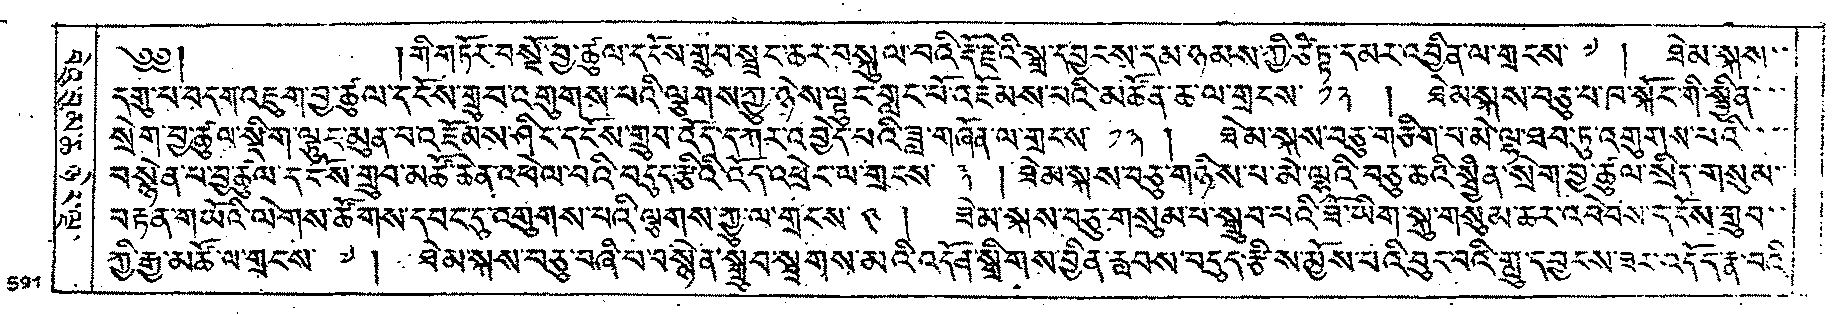༄༅། །གི་གཏོར་བསྔོ་བྱ་ཚུལ་དངོས་གྲུབ་སྦྲང་ཆར་བསྐུལ་བའི་རྡོ་རྗེའི་སྒྲ་དབྱངས་དམ་ཉམས་ཀྱི་ཙིཏྟ་དམར་འབྱིན་ལ་གྲངས ༧། ཐེམ་སྐས་
དགུ་པ་བདག་འཇུག་བྱ་ཚུལ་དངོས་གྲུབ་འགུགས་པའི་ལྕགས་ཀྱུ་ཉེས་ལྟུང་གླང་པོ་འཇོམས་པའི་མཚོན་ཆ་ལ་གྲངས ༡༢། ཐེམ་སྐས་བཅུ་པ་ཁ་སྐོང་གི་སྦྱིན་
སྲེག་བྱ་ཚུལ་སྡིག་ལྟུང་མུན་པ་འཇོམས་ཤིང་དངོས་གྲུབ་འོད་དཀར་འབྱེད་པའི་ཟླ་གཞོན་ལ་གྲངས ༡༣། ཐེམ་སྐས་བཅུ་གཅིག་པ་མེ་ལྷ་ཐབ་ཏུ་འགུགས་པའི་
བསྙེན་པ་བྱ་ཚུལ་དངོས་གྲུབ་མཚོ་ཆེན་འཕེལ་བའི་བདུད་རྩིའི་འོད་འཕྲེང་ལ་གྲངས ༣། ཐེམ་སྐས་བཅུ་གཉིས་པ་མེ་ལྷའི་བཅུ་ཆའི་སྦྱིན་སྲེག་བྱ་ཚུལ་སྲིད་གསུམ་
བརྟན་གཡོའི་ལེགས་ཚོགས་དབང་དུ་འགུགས་པའི་ལྕགས་ཀྱུ་ལ་གྲངས ༤། ཐེམ་སྐས་བཅུ་གསུམ་པ་སྒྲུབ་པའི་ཐོ་ཡིག་སྐུ་གསུམ་ཆར་འབེབས་དངོས་གྲུབ་
ཀྱི་རྒྱ་མཚོ་ལ་གྲངས ༧། ཐེམ་སྐས་བཅུ་བཞི་པ་བསྙེན་སྒྲུབ་སྦྲགས་མའི་འདོན་སྒྲིགས་བྱིན་རླབས་བདུད་རྩིས་མྱོས་པའི་བུང་བའི་གླུ་དབྱངས་ཐར་འདོད་རྣ་བའི་